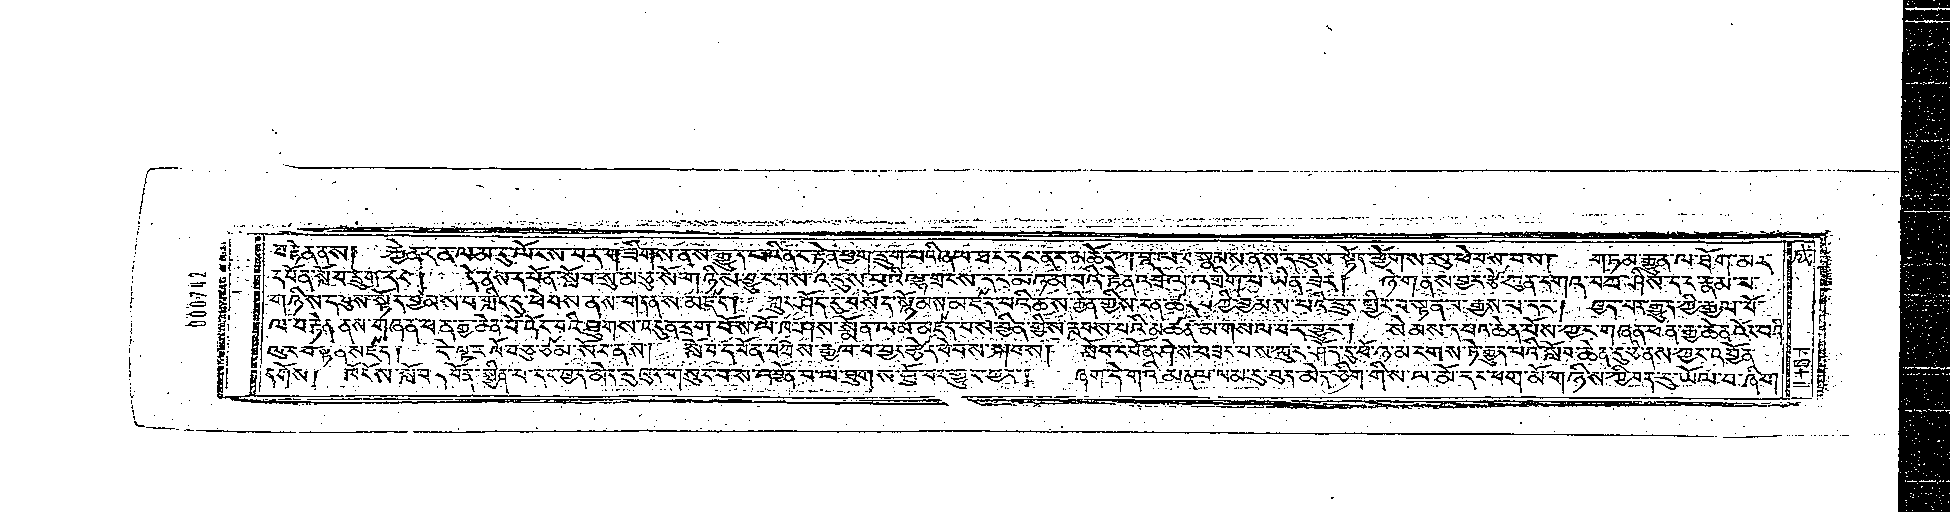བརྟེན་ནས། རྐྱེན་ངན་ལམ་དུ་ལོངས་པར་གཟིགས་ནས་རྒྱུད་པའི་ནང་རྟེན་ཕྱག་དྲུག་པའི་ཞལ་ཐང་དང་ནང་མཆོད་ཀ་པཱ་ལ་བསྣམས་ནས་དབུས་སྟོད་ཕྱོགས་སུ་ཕེབས་པས། གཏམ་རྒྱུན་ལ་ཐོག་མར་
དཔོན་སློབ་དྲུག་དང་། དེ་ནས་དཔོན་སློབ་སུམ་ཅུ་སོ་གཉིས་བྱུང་བས་འདུས་པའི་ལྷ་གྲངས་དང་མཉམ་པའི་རྟེན་འབྲེལ་འགྲིག་པ་ཡིན་ཟེར། ཉེ་གནས་བྱང་རྩེ་ཀུན་དགའ་བཀྲ་ཤིས་དང་རྣམ་པ་
གཉིས་དབུས་སྟོད་བྱམས་པ་གླིང་དུ་ཕེབས་ནས་གདན་ས་མཛད། ཀླུང་ཤོད་དུ་བསོད་སྙོམས་མཛད་པའི་ཆས་རྐྱེན་གྱིས་རན་ཚ་རབ་ཀྱི་བྱམས་པའི་དྲུང་སྤྱིར་བསྟན་པ་རྒྱས་པ་དང་། ཁྱད་པར་རྒྱུད་ཀྱི་རྒྱལ་པོ་
ལ་བརྟེན་ནས་གཞན་ཕན་རྒྱ་ཆེན་པོ་འོང་བའི་ཐུགས་འདུན་དྲག་པོས་ལོ་ཁ་ཤས་སྨོན་ལམ་མཛད་པས་བྱིན་གྱིས་རླབས་པའི་མཚན་མ་གསལ་བར་བྱུང་། སེམས་དཔའ་ཆེན་པོས་ཀྱང་གཞན་ཕན་རྒྱ་ཆེན་འོང་བའི་
ལུང་བསྟན་མཛད། དེ་ལྟར་ལོ་བཅུ་ཙམ་སོང་ནས། སློབ་དཔོན་བཀྲིས་རྒྱལ་བ་བྱང་རྩེར་ཕེབས་སྐབས། སློབ་དཔོན་ཤེས་བཟང་པས་ཀླུང་ཤོད་དུ་ཕོ་ཉ་མངགས་ཏེ་རྒྱུད་པའི་སློབ་ཆེན་དུ་ཅི་ནས་ཀྱང་འབྱོན་
དགོས། ཁོ་ངོས་སློབ་དཔོན་སྦྱིན་པ་དང་ཁྱད་མེད་དུ་ལུར་གསུང་བས་འབྱོན་པ་ལ་ཐུགས་སྤྲོ་བར་གྱུར་ཀྱང་། ཞག་དེ་གའི་མནལ་ལམ་དུ་བུད་མེད་ཅིག་གིས་ལ་མོ་དང་ཕག་མོ་གཉིས་ཀྱི་བར་དུ་ཡོལ་བ་ཞིག་